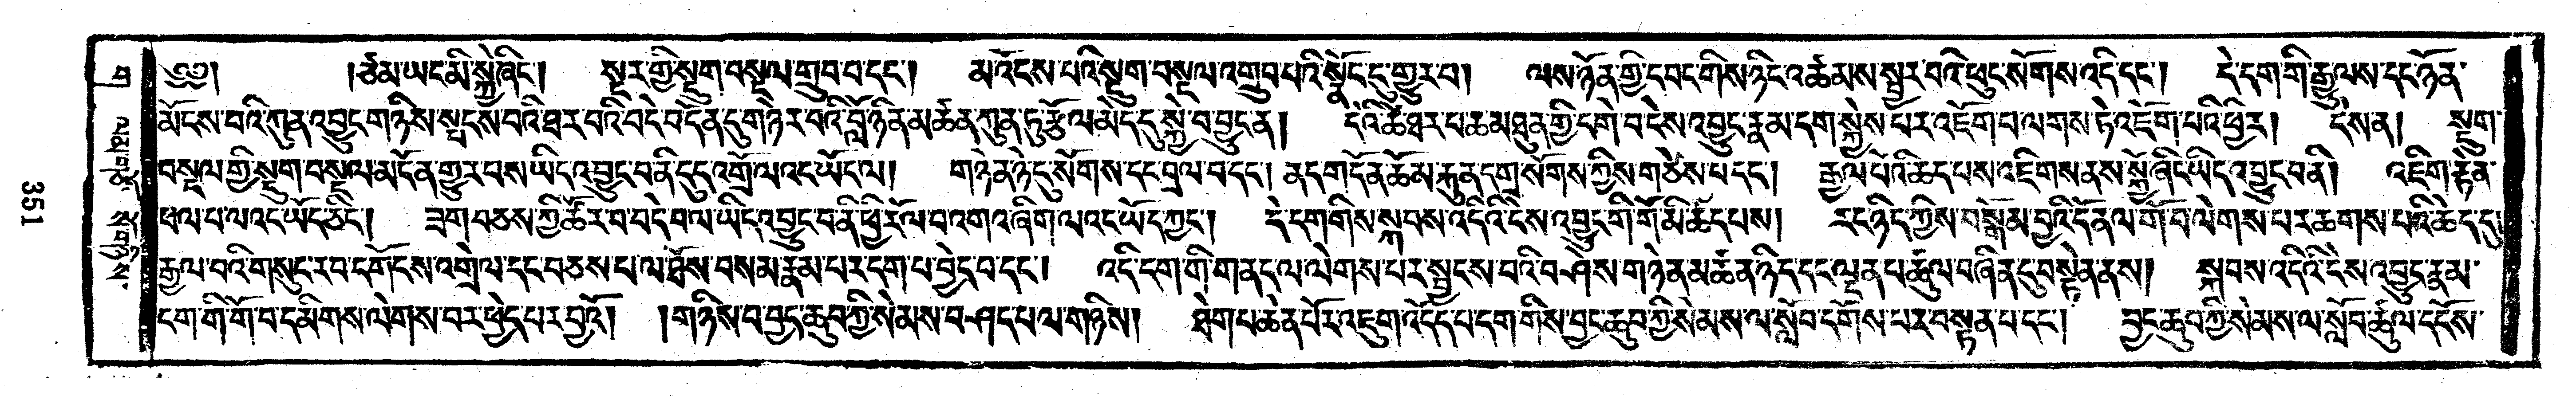༄༅། །ཙམ་ཡང་མི་སྐྱེ་ཞིང་། སྔར་གྱི་སྡུག་བསྔལ་གྲུབ་བ་དང་། མ་འོངས་པའི་སྡུག་བསྔལ་འགྲུབ་པའི་སྣོད་དུ་གྱུར་བ། ལས་ཉོན་གྱི་དབང་གིས་ཉིད་འཚམས་སྦྱར་བའི་ཕུང་སོགས་འདི་དང་། དེ་དག་གི་རྒྱུ་ལས་དང་ཉོན་
མོངས་བའི་ཀུན་འབྱུང་གཉིས་སྤངས་བའི་ཐར་བའི་བདེ་བ་དོན་དུ་གཉེར་བའི་བློ་ཉིན་མཚན་ཀུན་ཏུ་རྩོལ་མེད་དུ་སྐྱེ་བ་བྱུང་ན། དེའི་ཚེ་ཐར་པ་ཆ་མཐུན་གྱི་དགེ་བ་དེས་འབྱུང་རྣམ་དག་སྐྱེས་པར་འཇོག་པ་ལགས་ཏེ་འཇོག་པའི་ཕྱིར། དེས་ན། སྡུག་
བསྔལ་གྱི་སྡུག་བསྔལ་མངོན་གྱུར་པས་ཡིད་འབྱུང་བ་ནི་དུད་འགྲོ་ལའང་ཡོང་ལ། གཉེན་ཉེ་དུ་སོགས་དང་བྲལ་བ་དང་། ནད་གདོན་ཆོས་རྐུན་དགྲ་སོགས་ཀྱིས་གཙེས་པ་དང་། རྒྱལ་པོའི་ཆད་པས་འཇིགས་ནས་སྐྱོ་ཞིང་ཡིད་འབྱུང་བ་ནི། འཇིག་རྟེན་
ཕལ་པ་ལའང་ཡོད་ཅིང་། ཟག་བཅས་ཀྱི་ཚོར་བ་བདེ་བ་ལ་ཡིད་འབྱུང་བ་ནི་ཕྱི་རོལ་བ་འགའ་ཞིག་ལའང་ཡོད་ཀྱང་། དེ་དག་གིས་སྐབས་འདིའི་ངེས་འབྱུང་གི་གོ་མི་ཆོད་པས། རང་ཉིད་ཀྱིས་བསྒོམ་བྱའི་དོན་ལ་གོ་བ་ལེགས་པར་ཆགས་པའི་ཆེད་དུ།
རྒྱལ་བའི་གསུང་རབ་དགོངས་འགྲེལ་དང་བཅས་པ་ལ་ཐོས་བསམ་རྣམ་པར་དག་པ་བྱེད་པ་དང་། འདི་དག་གི་གནད་ལ་ལེགས་པར་སྦྱངས་བའི་བཤེས་གཉེན་མཚན་ཉིད་དང་ལྡན་པ་ཚུལ་བཞིན་དུ་བསྟེན་ནས། སྐབས་འདིའི་དེས་འབྱུང་རྣམ་
དག་གི་གོ་བ་དམིགས་ལ་ལེགས་བར་ཕྱེད་པར་བྱའོ། །གཉིས་བ་བྱང་ཆུབ་ཀྱི་སེམས་བཤད་པ་ལ་གཉིས། ཐེག་པ་ཆེན་པོར་འཇུག་འདོད་པ་དག་གིས་བྱང་ཆུབ་ཀྱི་སེམས་ལ་སློབ་དགོས་པར་བསྟན་པ་དང་། བྱང་ཆུབ་ཀྱི་སེམས་ལ་སློབ་ཚུལ་དངོས་